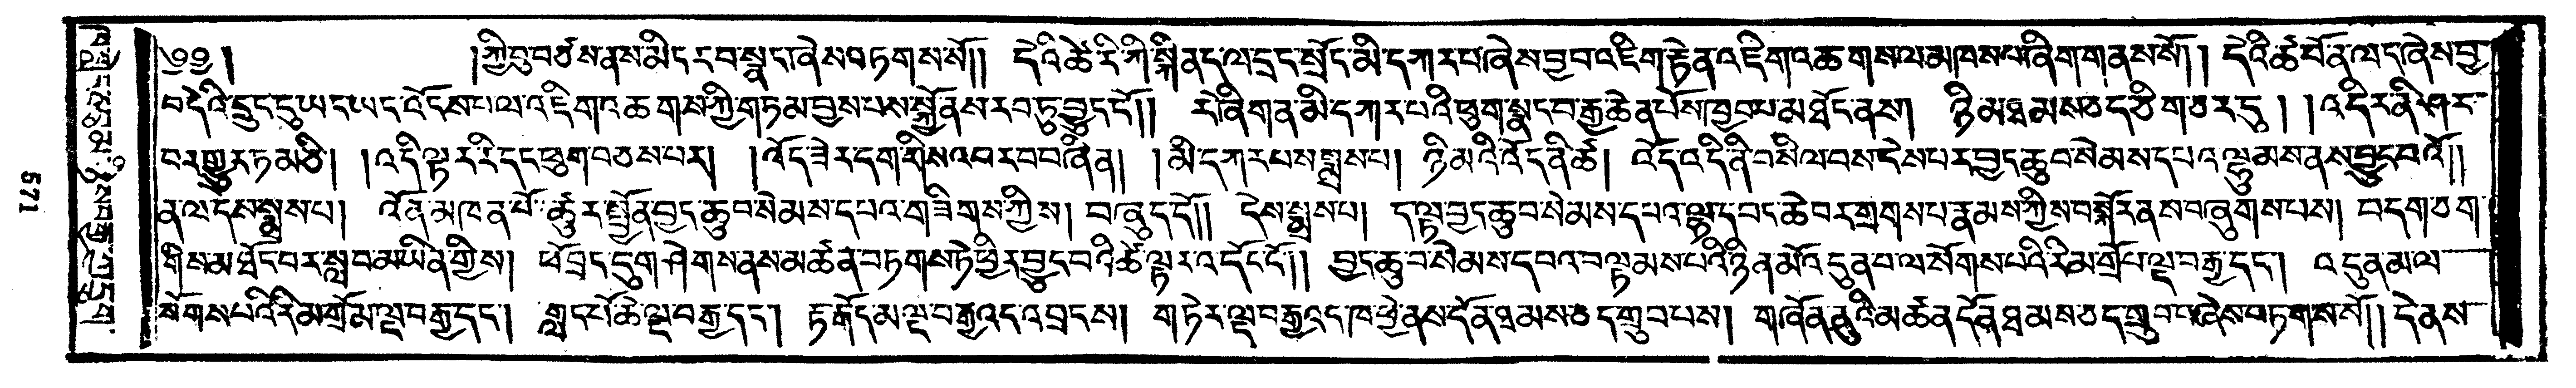༄༅། །ཀྱི་བུ་བཙས་ནས་མིང་རབ་སྣང་ཞེས་བཏགས་སོ།། དེའི་ཚེ་རི་ཀི་སྐི་ནད་ལ་དྲང་སྲོང་མི་དཀར་བ་ཞེས་བྱ་བ་འཇིག་རྟེན་འཇིག་འཆགས་ལ་མཁས་པ་ཞིག་གནས་སོ།། དེའི་ཚ་བོ་ན་ལད་ཞེས་བྱ་
བདེའི་དྲུང་དུ་ཡང་ཡང་འོངས་པ་ལ་འཇིག་འཆགས་ཀྱི་གཏམ་བྱས་པས་སྐྱོ་ནས་རབ་ཏུ་བྱུང་ངོ།། རེ་ཞིག་ན་མི་དཀར་པའི་ཕུག་སྣང་བ་རྒྱ་ཆེན་པོས་ཁྱབ་པ་མཐོང་ནས། ཉི་མ་ཐམས་ཅད་ཅིག་ཅར་དུ། །འདིར་ནི་ཤར་
བར་གྱུར་ཏམ་ཅི། །འདི་ལྟར་རི་དང་ཕུག་བཅས་པར། །འོད་ཟེར་དག་གིས་འབར་བ་བཞིན། །མི་དཀར་བས་སྨྲས་པ། ཉི་མའི་འོད་ནི་ཚ། འོད་འདི་ནི་བསིལ་བས་ངེས་པར་བྱང་ཆུབ་སེམས་དཔའ་ལྷུམས་ནས་བྱུང་བའོ།།
ན་ལ་དེས་སྨྲས་པ། འོན་མཁན་པོ་ཚུར་སྤྱོན་བྱང་ཆུབ་སེམས་དཔའ་གཟིགས་ཀྱིས། བཞུད་དོ།། དེས་སྨྲས་པ། ད་ལྟ་བྱང་ཆུབ་སེམས་དཔའ་ལྷ་དབང་ཆེ་བར་གྲགས་པ་རྣམས་ཀྱིས་བསྐོར་ནས་བཞུགས་པས། བདག་ཅག་
གིས་མཐོང་བར་སླ་བ་མ་ཡིན་གྱིས། ཕོ་བྲང་དུ་གཤེགས་ནས་མཚན་བཏགས་ཏེ་ཕྱིར་བྱུང་བའི་ཚེ་ལྟར་འདོང་ངོ།། བྱང་ཆུབ་སེམས་དཔའ་བལྟམས་པའི་ཉིན་མོ་འདུན་པ་ལ་སོགས་པའི་རིམ་གྲོ་པ་ལྔ་བརྒྱ་དང་། འདུན་མ་ལ་
སོགས་པའི་རིམ་གྲོ་མ་ལྔ་བརྒྱ་དང་། གླང་པོ་ཆེ་ལྔ་བརྒྱ་དང་། རྟ་རྒོད་མ་ལྔ་བརྒྱའང་འབྲངས། གཏེར་ལྔ་བརྒྱའང་ཁ་ཕྱེ་ནས་དོན་ཐམས་ཅད་གྲུབ་པས། གཞོན་ནུའི་མཚན་དོན་ཐམས་ཅད་གྲུབ་བ་ཞེས་བཏགས་སོ། །དེ་ནས་